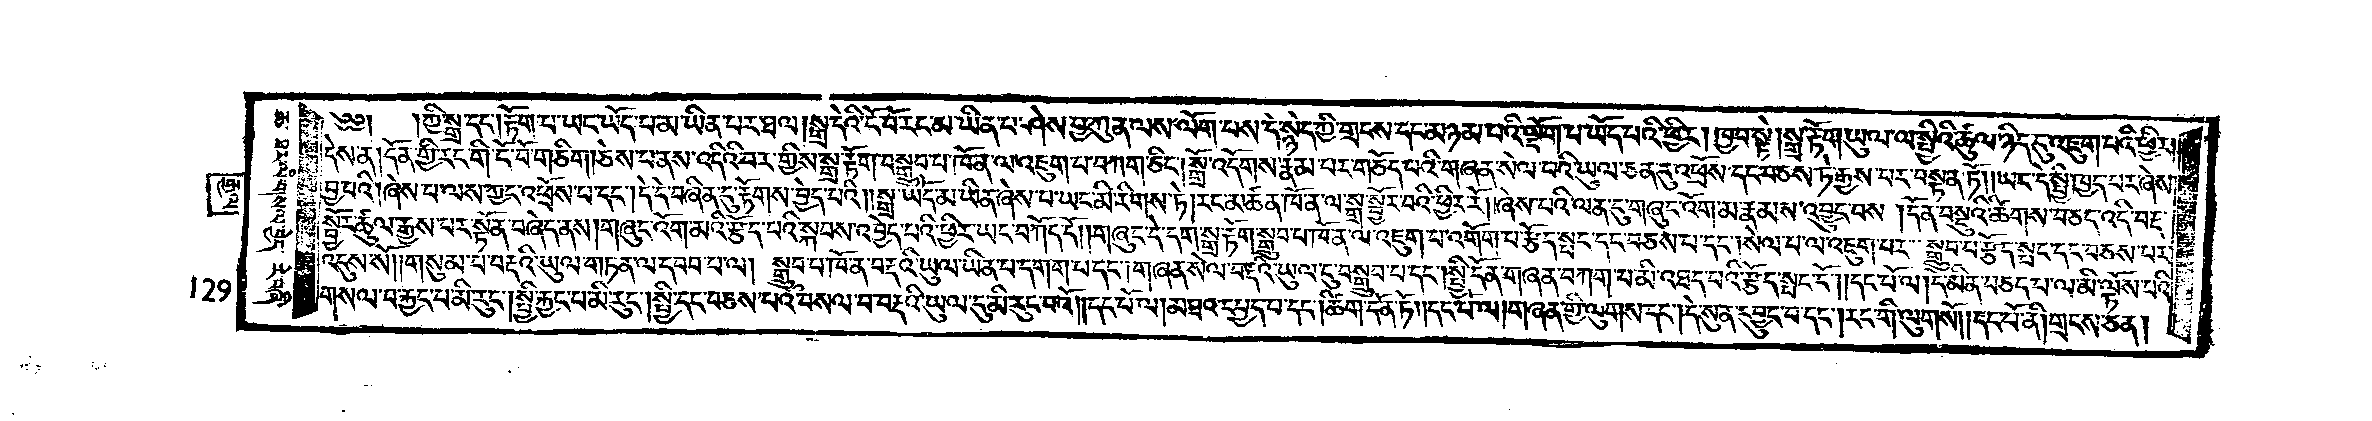༄༅། །ཀྱི་སྒྲ་དང་། རྟོག་པ་ཡང་ཡོད་པ་མ་ཡིན་པར་ཐལ། སྒྲ་དེའི་ངོ་བོ་རང་མ་ཡིན་པ་ཤེས་བྱ་ཀུན་ལས་ལོག་པས་དེ་སྙེད་ཀྱི་གྲངས་དང་མཉམ་པའི་ལྡོག་པ་ཡོད་པའི་ཕྱིར། ཁྱབ་སྟེ། སྒྲ་རྟོག་ཡུལ་ལ་སྤྱིའི་ཚུལ་ཉིད་དུ་འཇུག་པའི་ཕྱིར།
དེས་ན། དོན་གྱི་རང་གི་ངོ་བོ་གཅིག །ཅེས་པ་ནས་འདིའི་བར་གྱིས་སྒྲ་རྟོག་བསྒྲུབ་པ་ཁོ་ན་ལ་འཇུག་པ་བཀག་ཅིང་། སྒྲོ་འདོགས་རྣམ་པར་གཅོད་པའི་གཞན་སེལ་བའི་ཡུལ་ཅན་རུ་འཕྲོས་དང་བཅས་ཏེ་རྒྱས་པར་བསྟན་ཏོ། །ཡང་དེ་སྤྱི་ཁྱད་པར་ཞེས་
བྱ་པའི། ཞེས་པ་ལས་ཀྱང་འཕྲོས་པ་དང་། དེ་དེ་བཞིན་དུ་རྟོགས་བྱེད་པའི། །སྒྲ་ཡོད་མ་ཡིན་ཞེས་པ་ཡང་མི་རིགས་ཏེ། རང་མཚན་ཁོ་ན་ལ་སྒྲ་སྦྱོར་བའི་ཕྱིར་རོ། །ཞེས་པའི་ལན་དུ་གཞུང་འོག་མ་རྣམས་འབྱུང་བས་།དོན་བསྡུའི་ཚིགས་བཅད་འདི་བརྡ་
སྦྱོར་ཚུལ་རྒྱས་པར་སྟོན་བཞེད་ནས། གཞུང་འོག་མའི་རྩེད་པའི་སྐབས་འབྱེད་པའི་ཕྱིར་ཡང་བཀོད་དོ། །གཞུང་དེ་དག་སྒྲ་རྟོག་སྒྲུབ་པ་ཁོ་ན་ལ་འཇུག་པ་འགོག་པ་རྩོད་སྤང་དང་བཅས་པ་དང་། སེལ་པ་ལ་འཇུག་པར། སྒྲུབ་པ་རྩོད་སྤང་དང་བཅས་པར་
འདུས་སོ། །གསུམ་པ་བརྡའི་ཡུལ་གཏན་ལ་དབབ་པ་ལ། སྒྲུབ་པ་ཁོ་ན་བརྡའི་ཡུལ་ཡིན་པ་དགག་པ་དང་། གཞན་སེལ་བ་རྡའི་ཡུལ་དུ་བསྒྲུབ་པ་དང་། སྤྱི་དོན་གཞན་བཀག་པ་མི་འཐད་པའི་རྩོད་སྤང་ངོ། །དང་པོ་ལ། དེ་མིན་བཅད་པ་ལ་མི་ལྟོས་པའི་
གསལ་བ་རྐྱང་པ་མི་རུང་། སྤྱི་རྐྱང་པ་མི་རུང་། སྤྱི་དང་བཅས་པའི་བསལ་བ་བརྡའི་ཡུལ་དུ་མི་རུང་བའོ། །དང་པོ་ལ། མཐའ་དཔྱད་པ་དང་། ཚིག་དོན་ཏོ། །དང་པོ་ལ། གཞན་གྱི་ལུགས་དང་། དེ་སུན་?་འབྱུང་བ་དང་། རང་གི་ལུགས་སོ། །དང་པོ་ནི། གྲངས་ཅན།